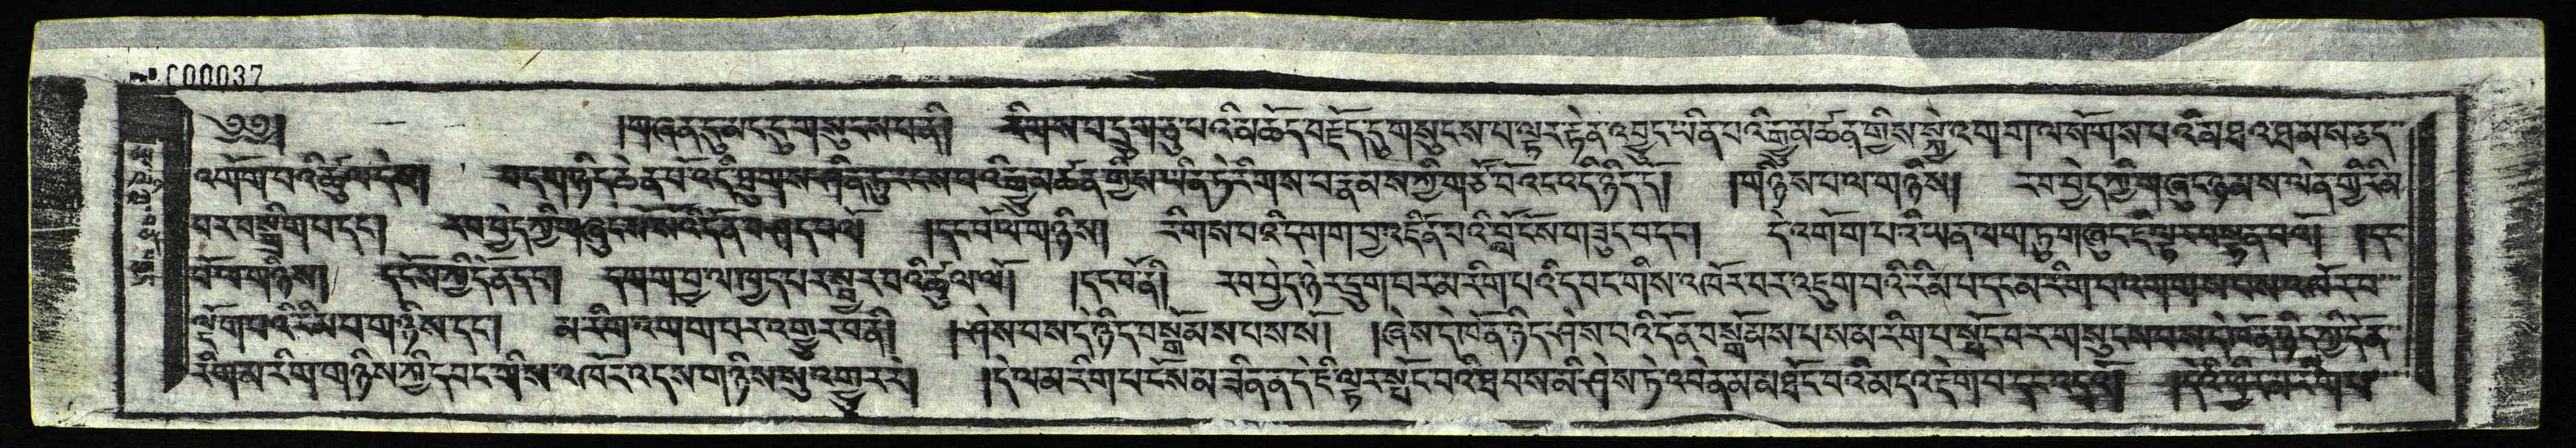༄༅། །གཞན་དུ་མང་དུ་གསུངས་པ་ནི། རིགས་པ་དྲུག་ཅུ་པའི་མཆོད་བརྗོད་དུ་གསུངས་པ་ལྟར་རྟེན་འབྱུང་ཡིན་པའི་རྒྱུ་མཚན་གྱིས་སྐྱེ་འགག་ལ་སོགས་པའོ་མཐའ་ཐམས་ཅད་
འགོག་པའི་ཚུལ་དེས། བདག་ཉིད་ཆེན་པོ་འདི་ཐུགས་ཤིན་ཏུ་རངས་པའི་རྒྱུ་མཚན་གྱིས་ཡིན་ཏེ་རིགས་པ་རྣམས་ཀྱི་གཙོ་བོ་འང་འདི་ཉིད་དོ། །གཉིས་པ་ལ་གཉིས། རབ་བྱེད་ཀྱི་གཞུང་ཉམས་ལེན་གྱི་རིམ་
བར་བསྒྲིག་པ་དང་། རབ་བྱེད་ཀྱི་གཞུང་སོ་སོའི་དོན་བཤད་པའོ། །དང་པོ་ལ་གཉིས། རིགས་པའི་དགག་བྱ་འཛིན་པའི་བློ་ངོས་གཟུང་བ་དང་། དེ་འགོག་པའི་ཡན་ལག་ཏུ་གཞུང་ཇི་ལྟར་བསྟན་བའོ། །དང་
པོ་ལ་གཉིས། དངོས་ཀྱི་དོན་དང་། དགག་བྱ་ལ་ཁྱད་པར་སྦྱར་བའི་ཚུལ་ལོ། །དང་པོ་ནི། རབ་བྱེད་ཉེར་དྲུག་བར་མ་རིག་པའི་དབང་གིས་འཁོར་བར་འཇུག་བའི་རིམ་པ་དང་མ་རིག་པ་འགགས་བས་འཁོར་བ་
ལྡོག་པའི་རིམ་པ་གཉིས་དང་། མ་རིག་འགག་པར་འགྱུར་བ་ནི། །ཤེས་པས་དེ་ཉིད་བསྒོམས་པས་སོ། །ཞེས་དེ་ཁོ་ན་ཉིད་ཤེས་བའི་དོན་བསྒོམས་པས་མ་རིག་པ་སྤོང་བར་གསུངས་པས་དེ་ཁོ་ན་ཉིད་ཀྱི་དོན་
རིག་མ་རིག་གཉིས་ཀྱི་དབང་གིས་འཁོར་འདས་གཉིས་སུ་འགྱུར་རོ། །དེ་ལ་མ་རིག་པ་ངོས་མ་ཟིན་ན་དེ་ཇི་ལྟར་སྤོང་བའི་ཐབས་མི་ཤེས་ཏེ་འབེན་མ་མཐོང་བའི་མདའ་རྡེག་བ་དང་འདྲའོ། །དེའི་ཕྱིར་མ་རིག་པ་